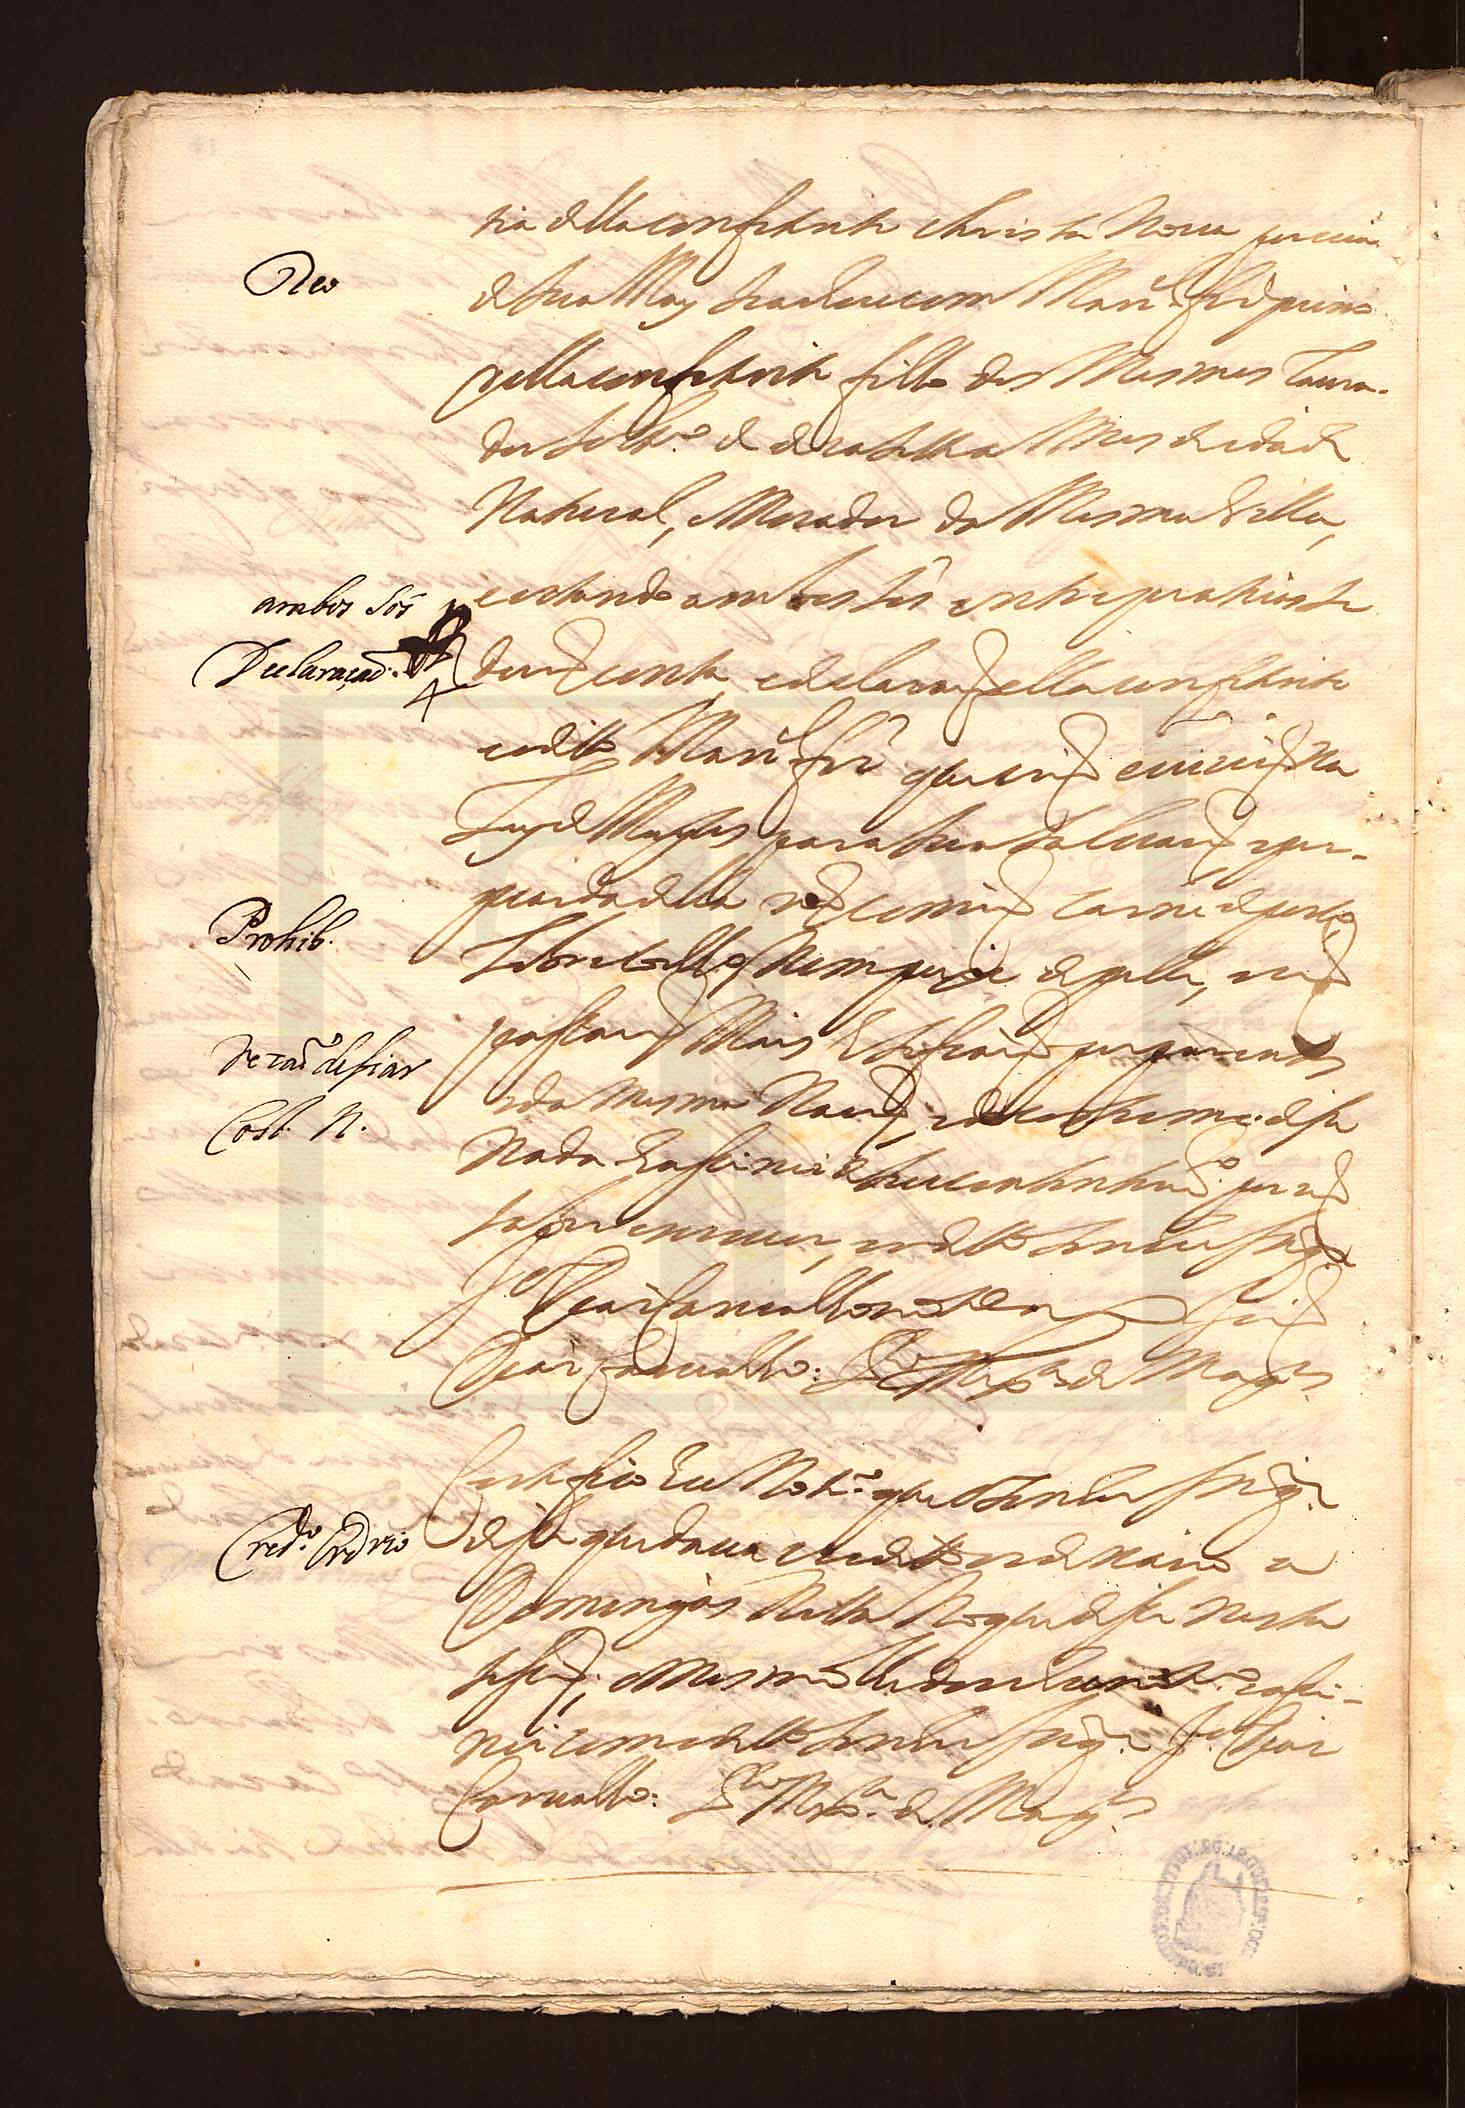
tia della confitente christa Noua per uia
Reo
de sua May se achou com Man.el frz̄ primo
della confitente filho dos Mesmos laura
dor solt.ro de dezasette aNNos de idade
Natural e Morador da Mesma Villa
e estando ambos sós entregue a tios se
ambos Sós
Declaraçaõ.
deraõ conta e declararaõ ella confitente
e o ditto Man.el frz̄ que criaõ e uiuiaõ Na
Ley de Moyses para sua saluaçaõ e per
guarda della naõ comiaõ carne de porco
Prohib.
Lebre Coelho Nem peixe de pelle naõ
passaraõ Mais e se fiaraõ per parentes
rezaõ de fiar
e da Mesma Naçaõ, e do costume disse
Cost. N.
Nada E assinei de seu consentimento per naõ
saber escreuer, e o ditto Senhor Inq.or
J.o Diaz Carualho noto Joaõ
Diaz Carualho: P.o Mexa de Maga.es
Certifico Eu Not.ro que o Senhor Inq.or
Cred.o Ordrio
disse que daua creditto ordinario a
Domingas Netta no que disse nesta
sessaõ; o mesmo lhe dou Eu not.ro e assi
nei com o ditto Senhor Inq.or J.o Diaz
Carualho: P.o Mexa de Maga.es
